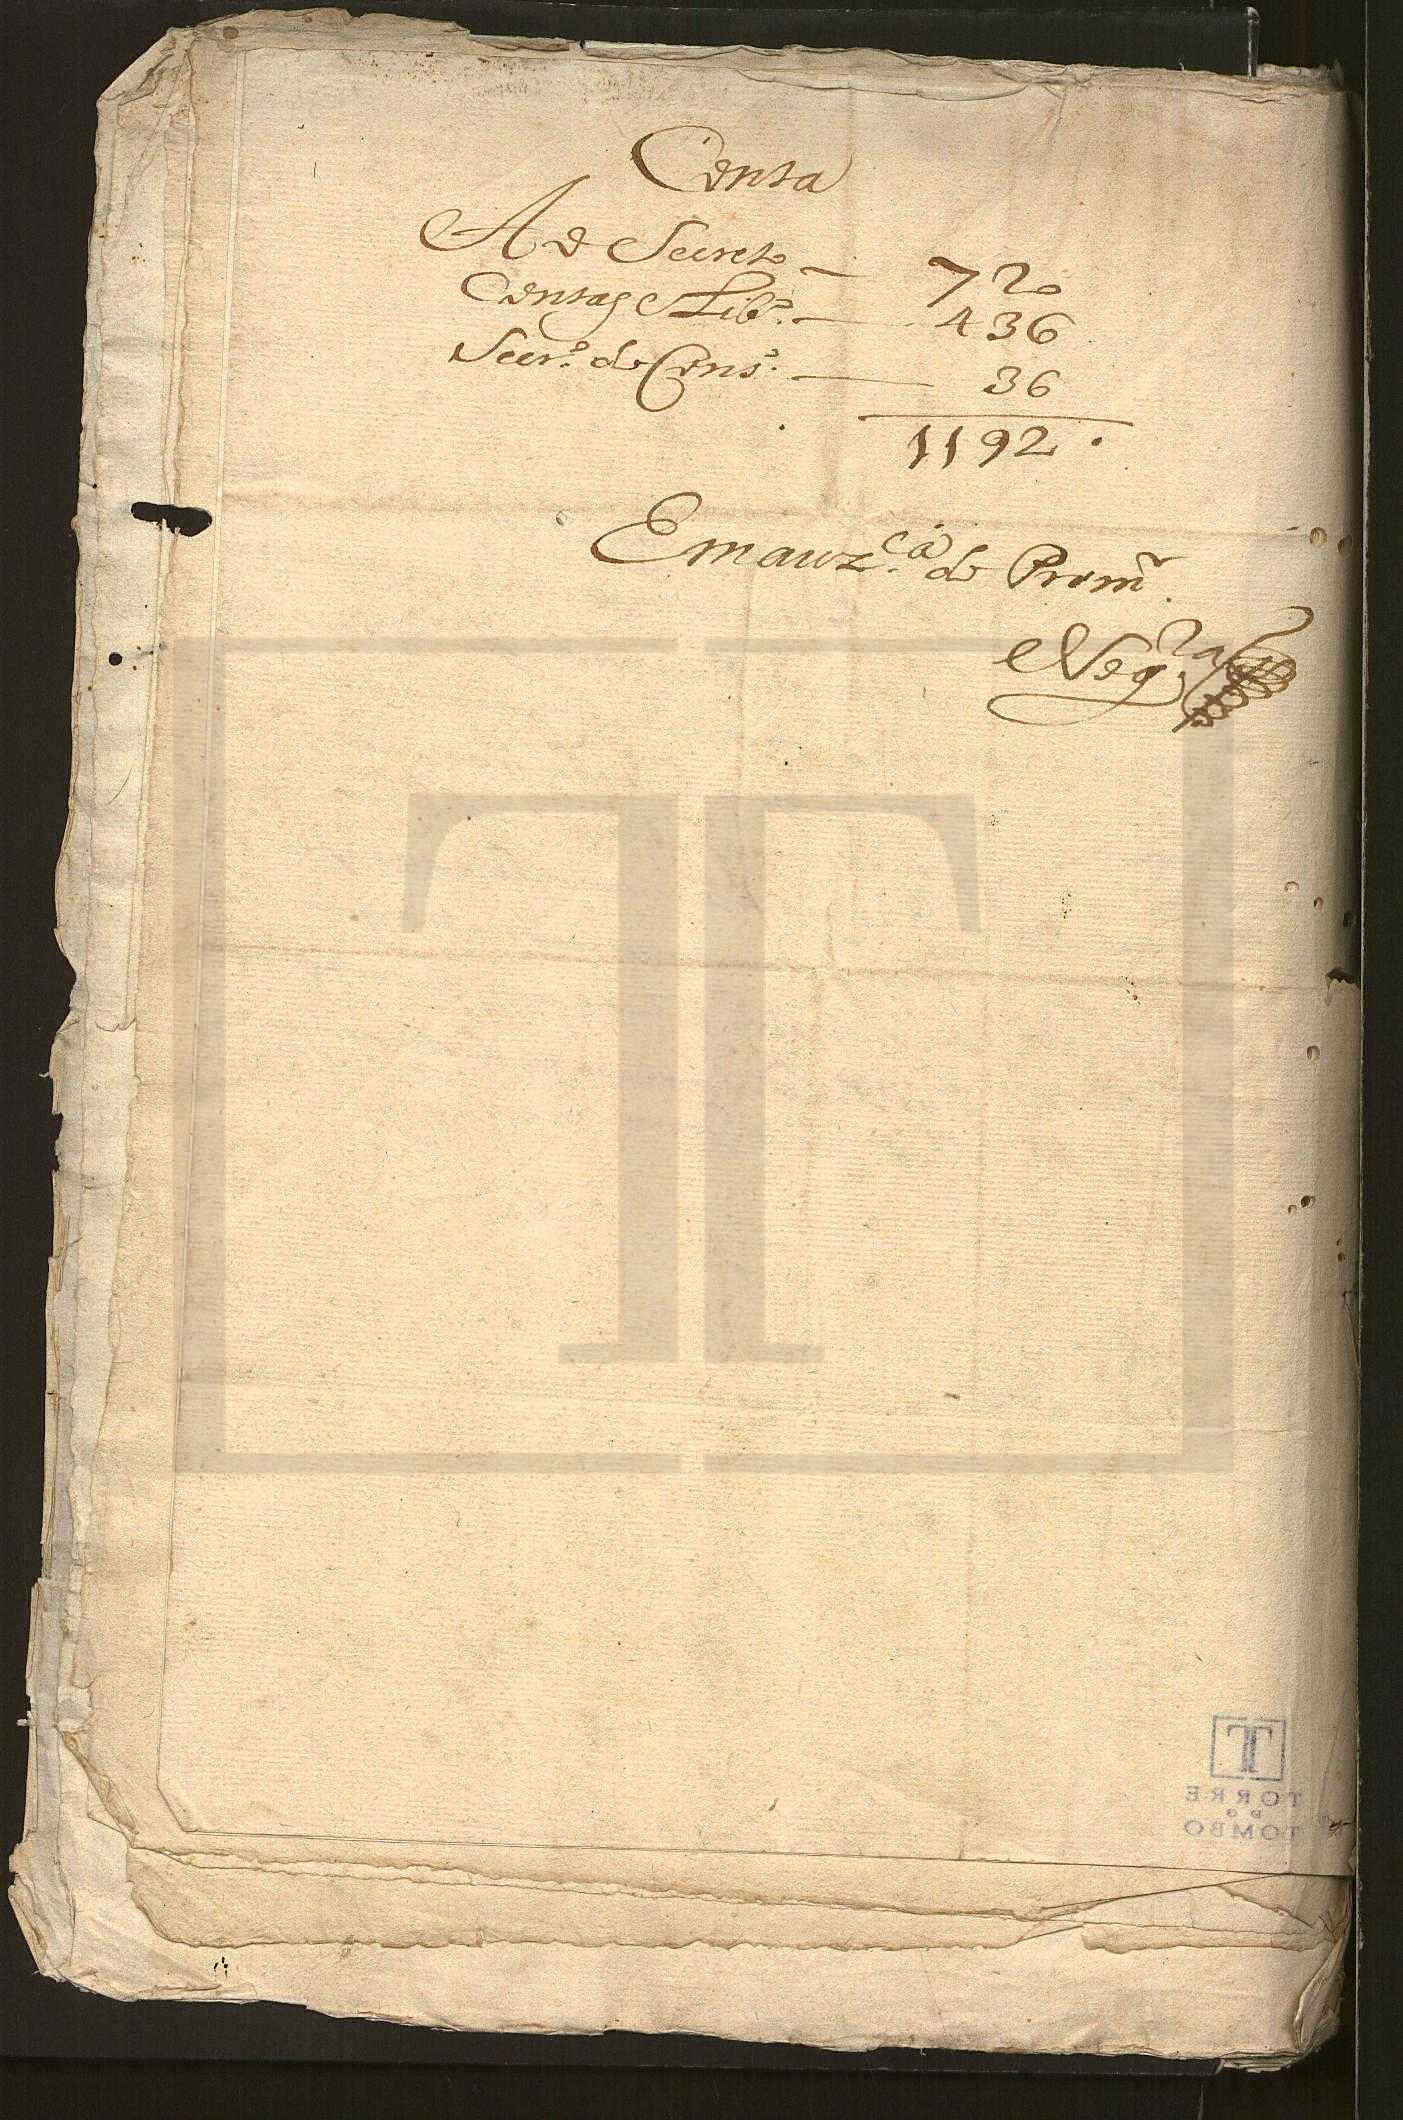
Conta
Ao Secreto
720
contas e Lib.o
436
Secr.o do Cons.o
36
1192.
Em auz.ca do Promor.
Nog.ra
